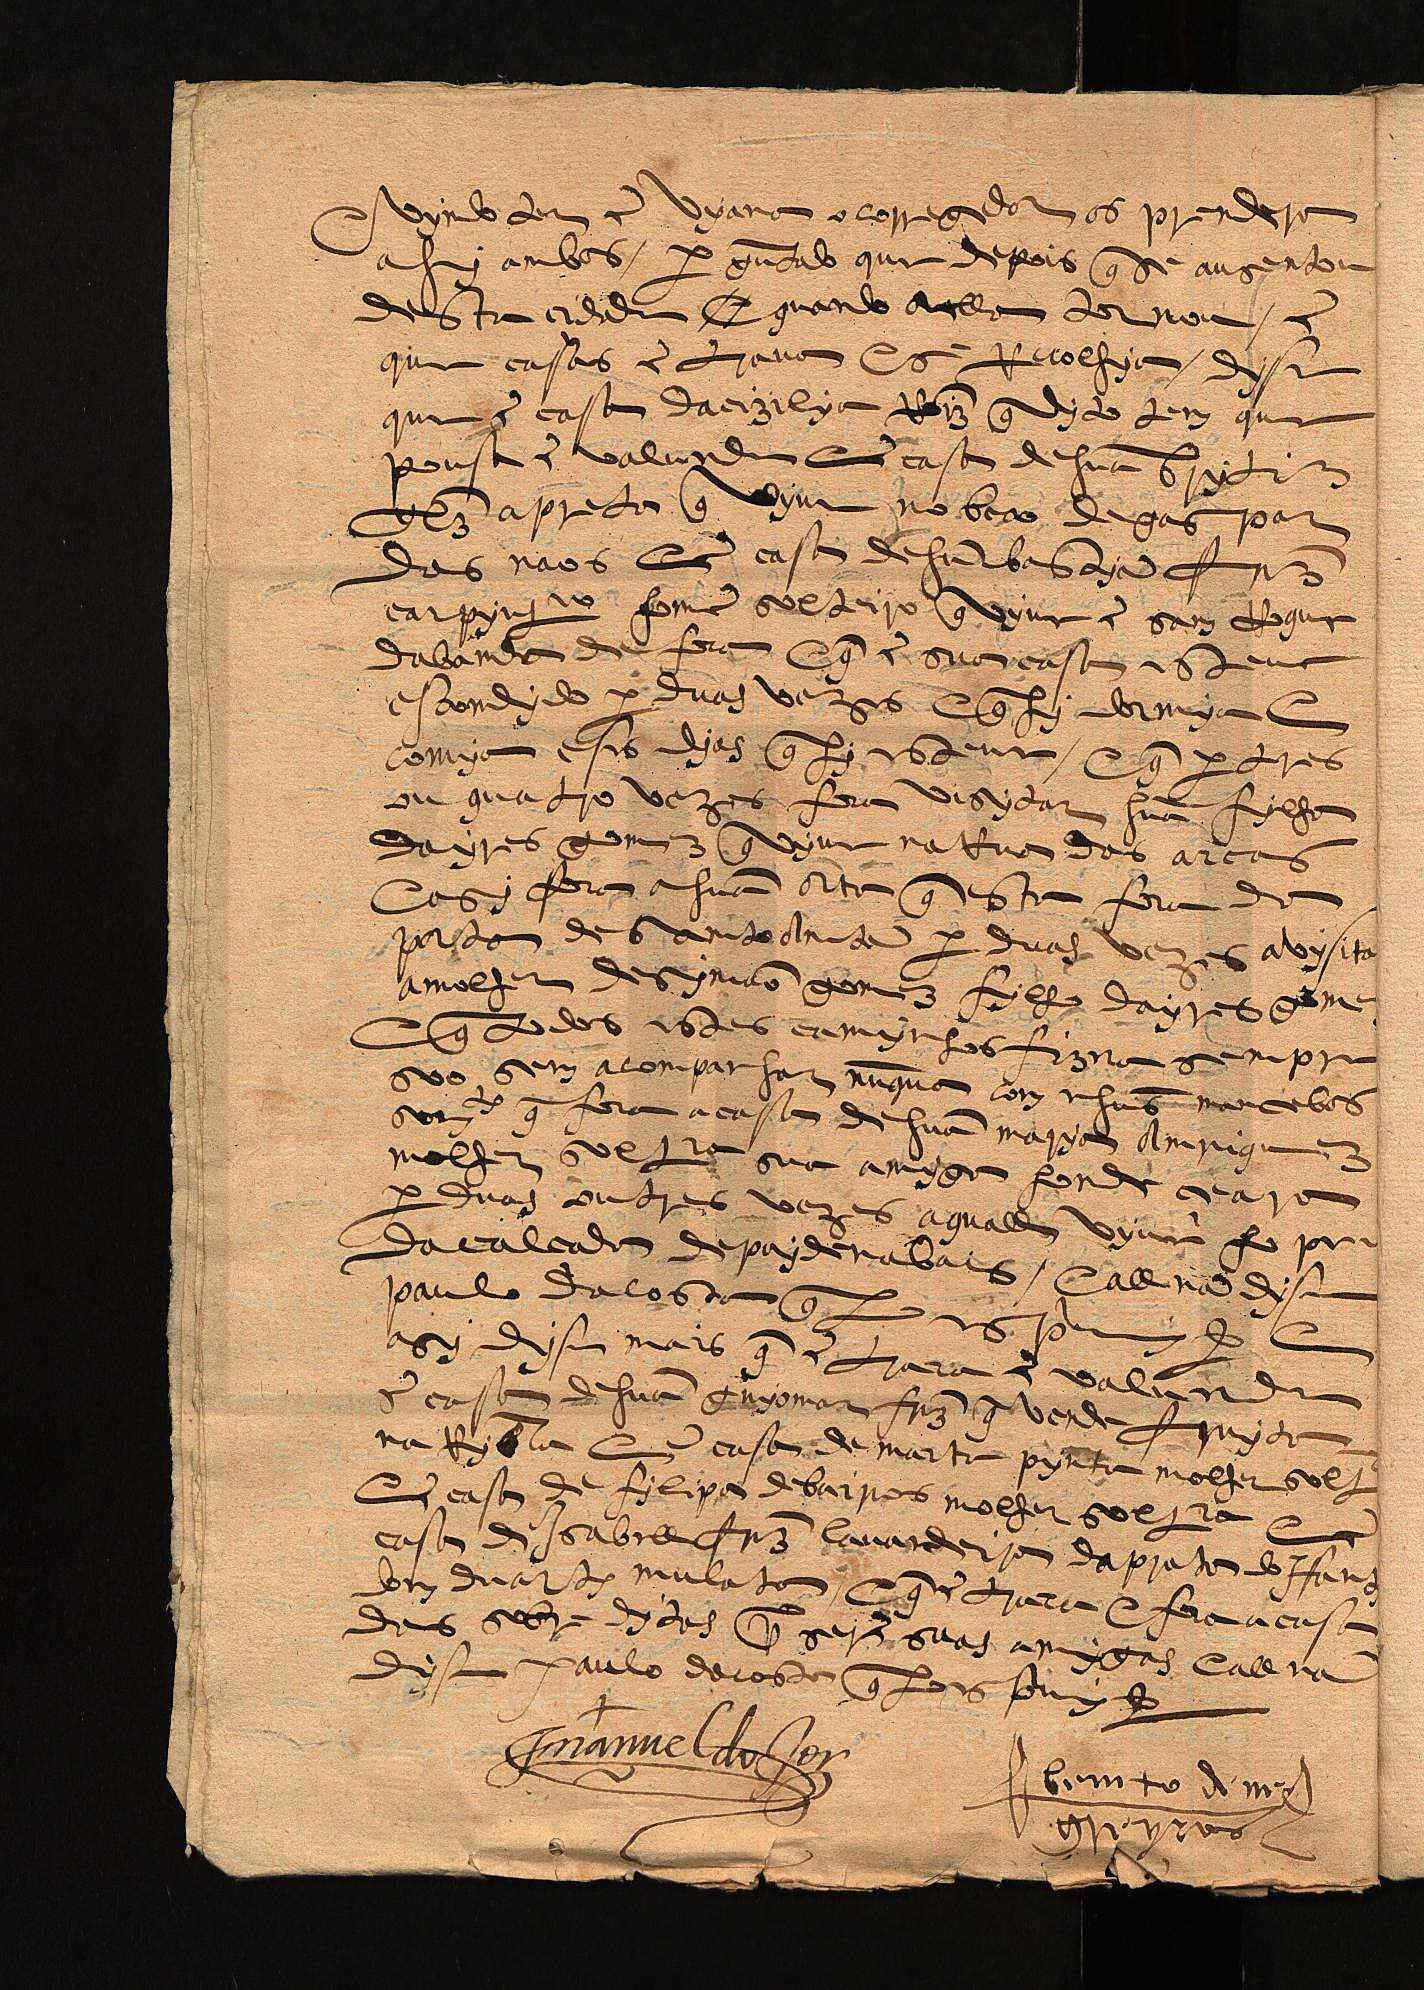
e vyndo ter em Vyana o corregedor os prendera
asy ambos / ꝑ gu̅tado que depois q̅ se ausentou
desta cidade _ quando a ella tornou / e̅
que casas e̅traua e se Recolhya / dyse
que e̅ casa da cizilya Ro̅iz q̅ dyto tem que
pousa e̅ valuerde e e̅ casa de hu̅a brytiz
gl̅z a preta q̅ vyue no beco de gaspar
das naos e e̅ casa de hu̅ bastya̅ frz̅
carpyntro home̅ solteiro q̅ vyue e̅ sam Roque
da bamda de fora e q̅ e̅ sua casa esteue
escomdydo ꝓ duas vezes e q̅ hy dormya e
comya eses dyas q̅ hy esteue / e q̅ ꝓ tres
ou quatro vezes fora visytar hu̅a fylha
dayres gomez q̅ vyue na Rua das arcas
e asy fora a hu̅a orta q̅ esta fora da
porta de samto Amta̅ ꝑ duas vezes a vysita
a molher de symão gomez fylho dayres gome
e q̅ todos estes camynhos fizera sempre
soo sem acompanhar nu̅qua com nhu̅s mancebos
somte q̅ fora a casa de hu̅a marya Amriquez
molher soltra sua amyga honde çeara
ꝑ duas outras vezes a quall vyue ho pe
da calçada de pay de nabais / e all na̅ dyse
paulo da costa q̄ ho espruy. e
asy dyse mais q̅ e̅trara e̅ valuerde
e̅ casa de hu̅a guyomar frz̅ q̅ vende fruyta
na Rybra e e̅ casa de marta pynta molher solt
e e̅ casa de fylipa de bairros molher soltra e e̅
casa de Jsabell frz̅ lauandeira da prata do Jfant
dom duarte mulato / e q̅ e̅trara e fora a casa
das sobredytas p̄o sere̅ suas amygas e all na̅
dyse paulo da costa q̅ ho esp̄iuy.
